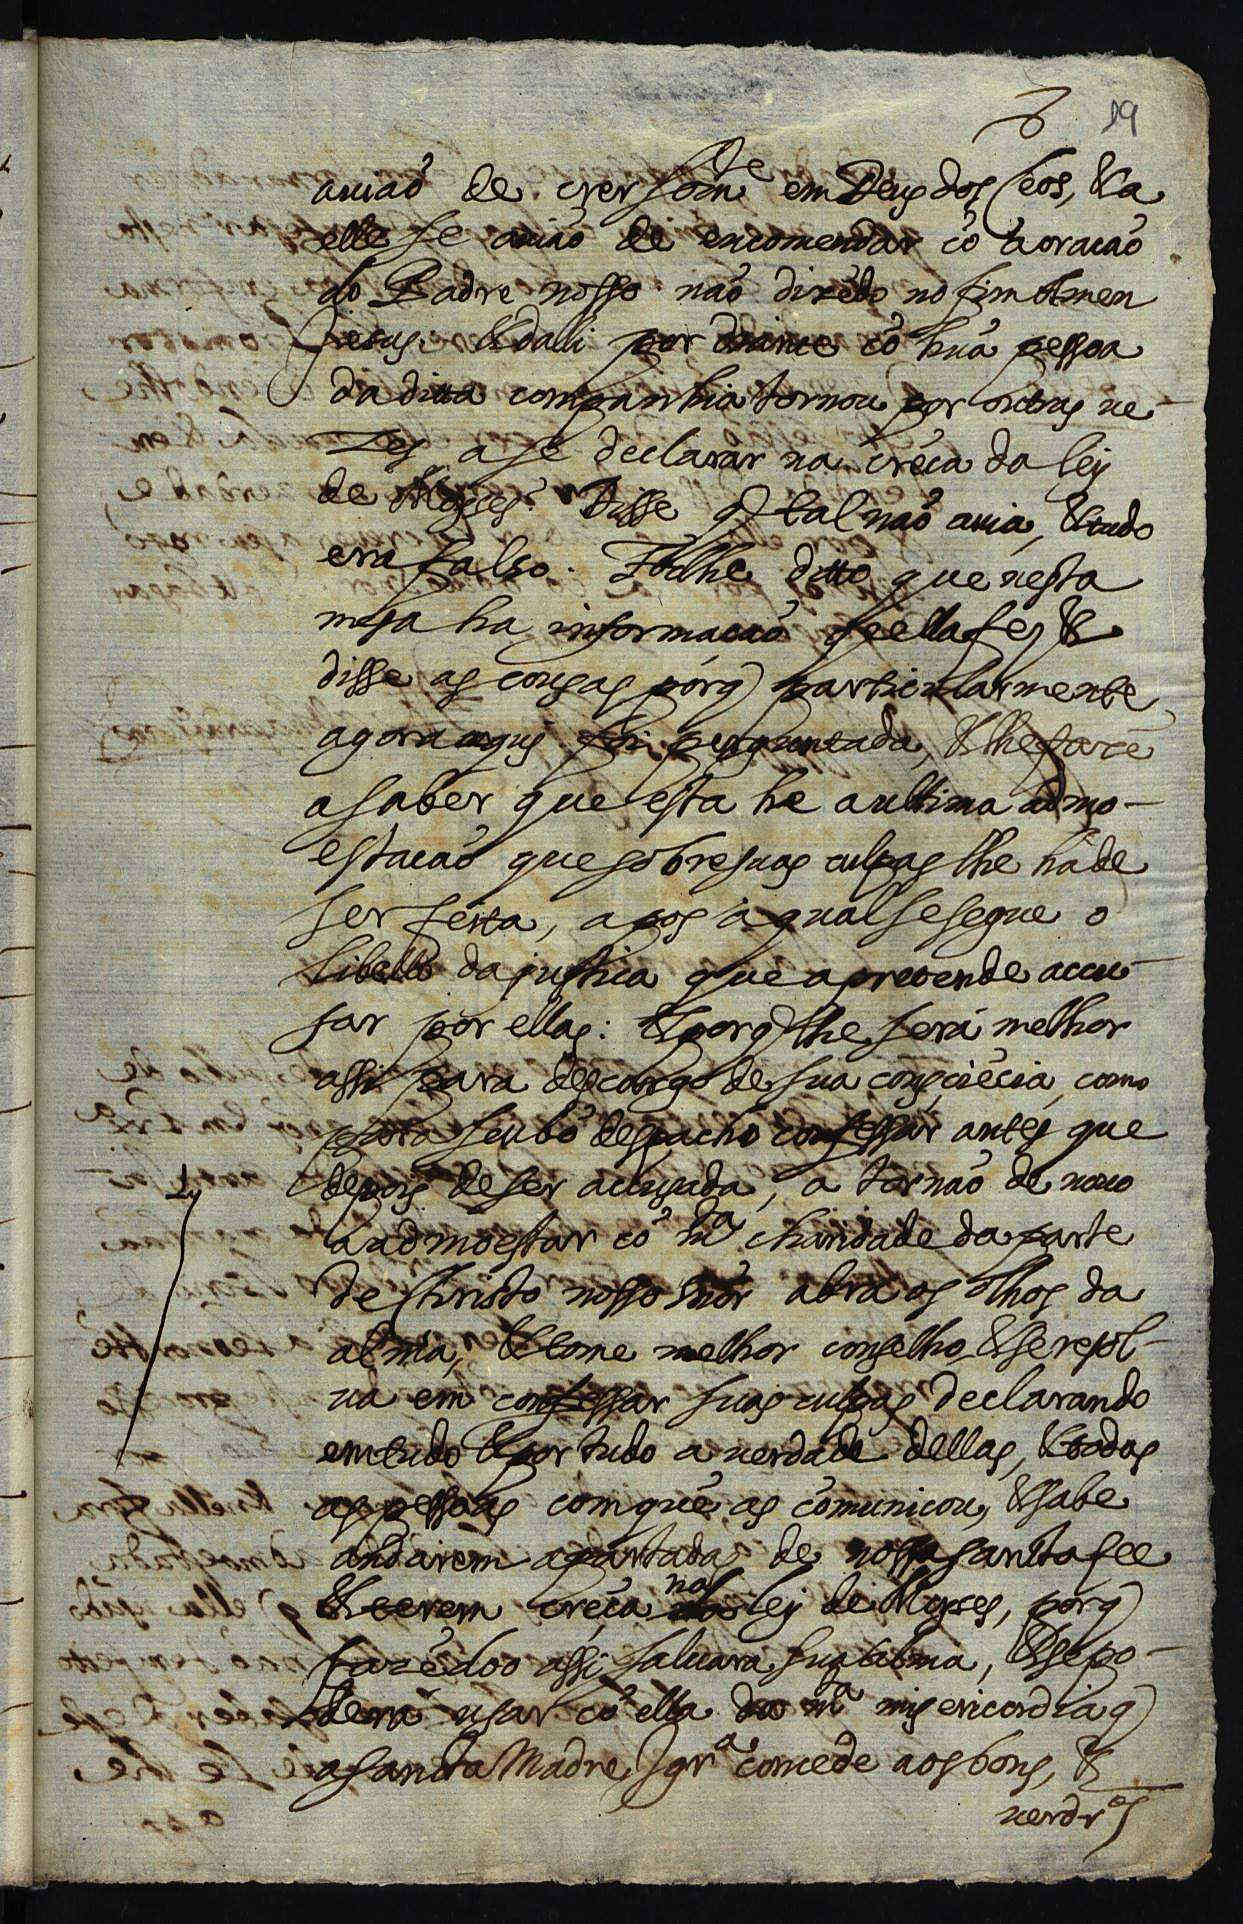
auiaõ de crer somte em Deus dos Ceos, & a
elle se auiaõ de encomendar cō a oraçaõ
do Padre nosso naõ dizēdo no fim Amen
Jesus & dalli por diante cō huã pessoa
da ditta companhia tornou por outras ue
zes a se declarar na crēça da ley
de Moyses? Disse q̄ tal naõ auia, & tudo
era falso. Foilhe ditto que nesta
mesa ha informaçaõ q̄ ella fez &
disse as cousas porq̄ particularmente
agora aquj foi perguntada, & lhe fazē
a saber que esta he a ultima admo
estaçaõ que sobre suas culpas lhe hade
ser feita, apos a qual se segue o
libello da justiça que a pretende accu
sar por ellas: E porq̄ lhe será melhor
assi para descargo de sua consciēcia como
para seu bō despacho confessar antes que
depois de ser accusada, a tornaõ de nouo
a admoestar cō mta charidade da parte
de Christo nosso snōr abra os olhos da
alma, & tome melhor conselho, & se resol
ua em confessar suas culpas declarando
em tudo & por tudo a uerdade dellas, & todas
as pessoas com quē as cōmunicou, & sabe
andarem apartadas de nossa sancta fee
& terem crēça
na
Ley de Moyses, porq̄
fazēdoo assi saluara sua alma, & se po
dera usar cō ella da mta misericordia q̄
a sancta Madre Jgra concede aos bons, &
uerdros
